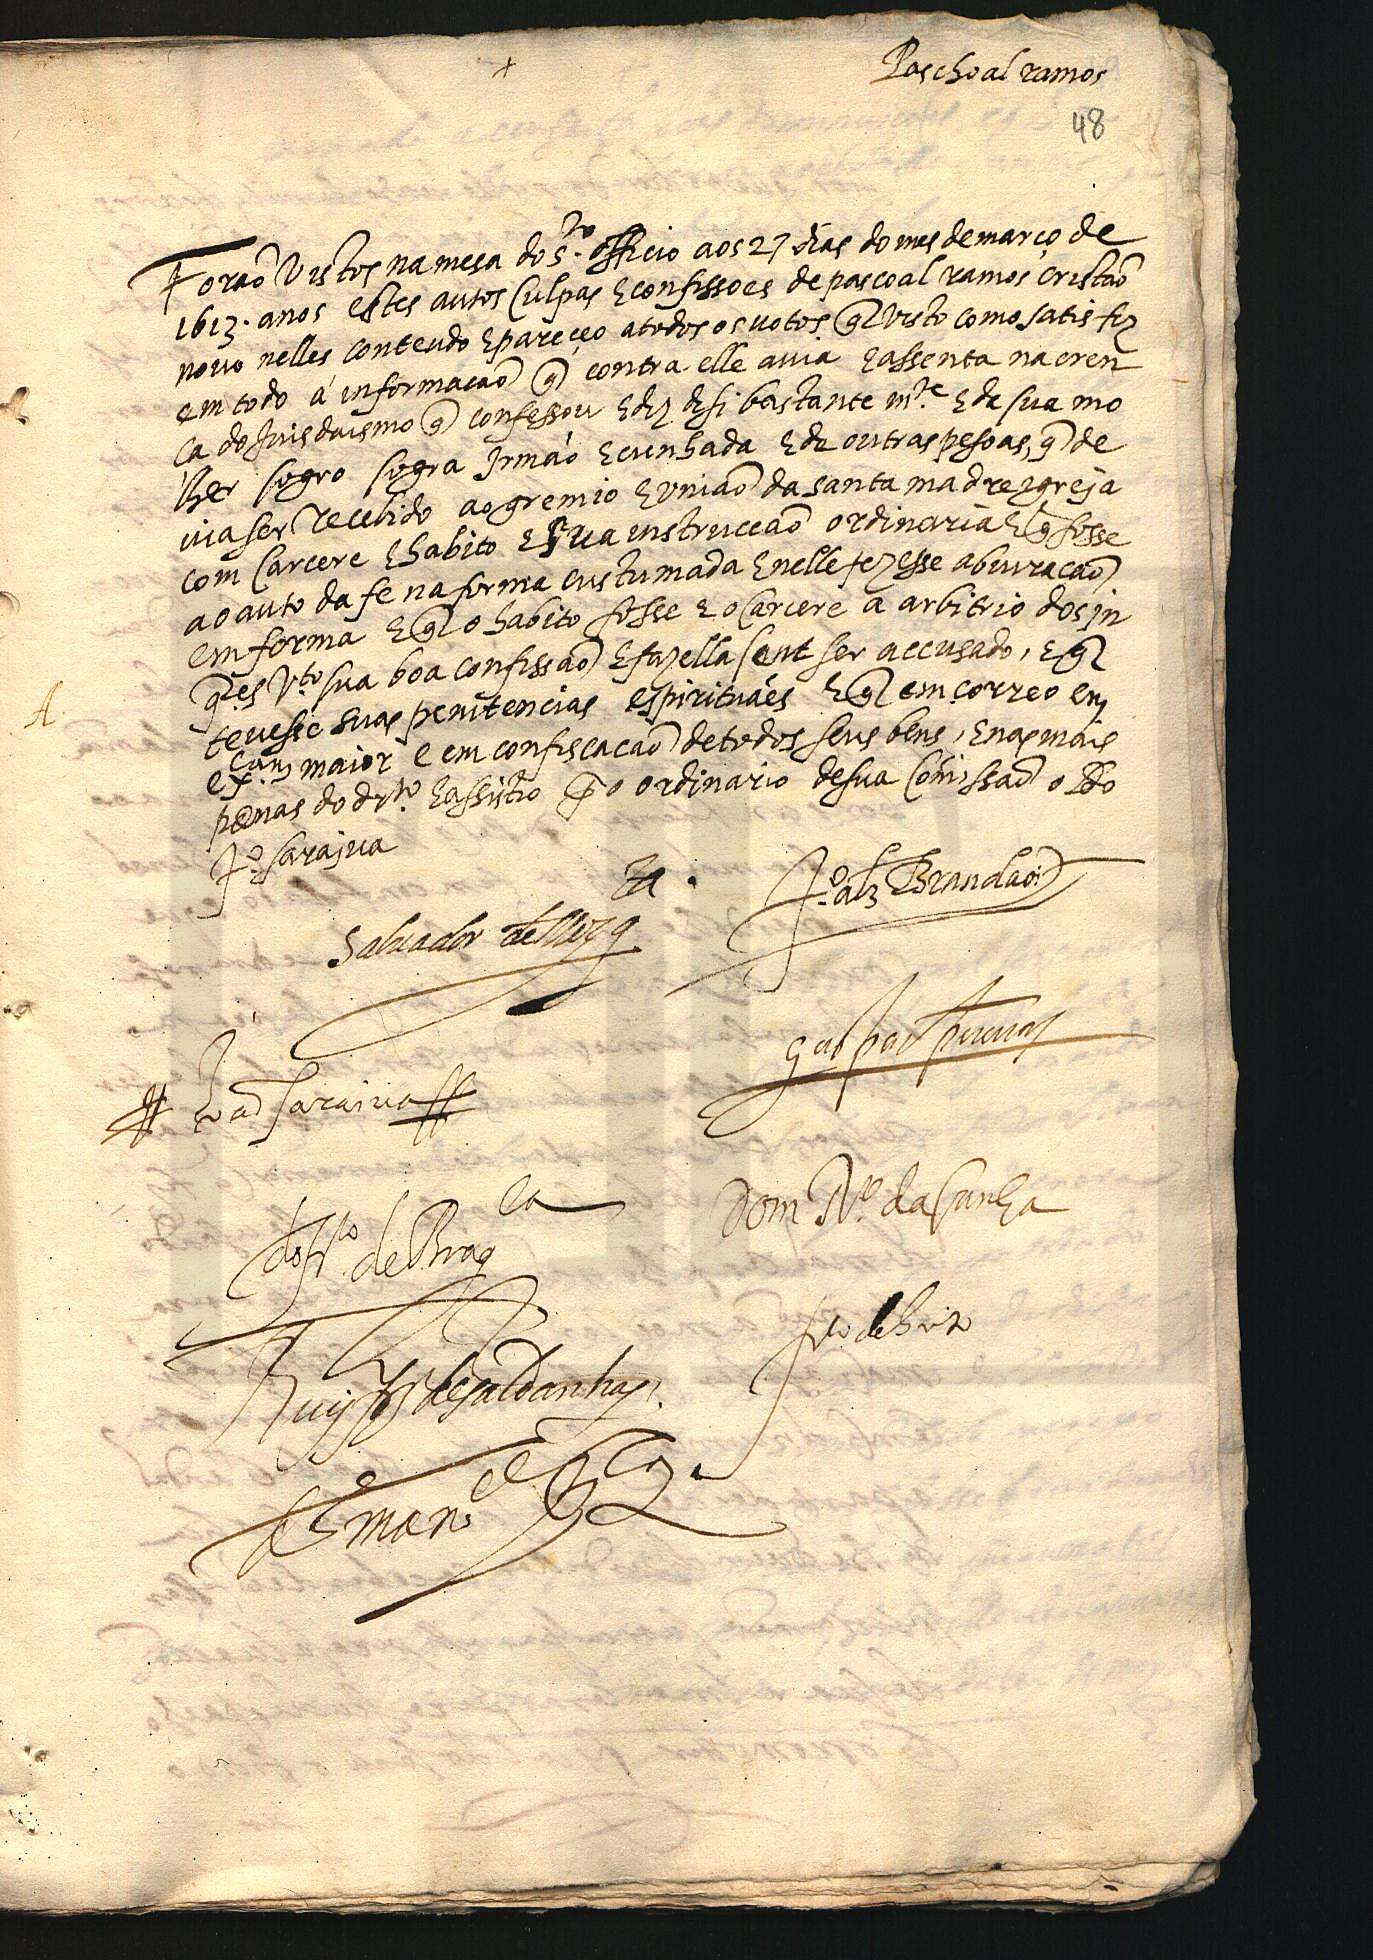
A
Paschoal ramos
Foraõ vistos na mesa do s.to officio aos 27 dias do mes de março de
1613 anos estes autos Culpas E confissoes de pascoal ramos cristaõ
nouo nelles conteudo E pareceo a todos os uotos q̄ visto como satisfez
em todo á informaçaõ q̄ contra elle auia E assenta na cren
ça do Juisdaismo q̄ confessou E diz de si bastantem.te E de sua mo
lher sogro sogra Jrmaõ E cunhada E de outras pesoas, q̄ de
uia ser recebido ao gremio E vnião da santa madre igreja
com Carcere E habito E hua instrucção ordinaria E q̄ fosse
ao auto da fe na forma custumada E nelle fezesse abiuração
em forma E q̄ o habito fosse E o Carcere a arbitrio dos jn
q̄.res v.to sua boa confissão E fazella sem ser accusado, E q̄
teuesse suas penitencias espirituāes E q̄ emcorreo em
ex.çam maior e em confiscação de todos seus bens, E nas mais
penas do dr.to E assistio p̄o ordinario de sua Confissaõ o Ldo
J.o Sarajua
